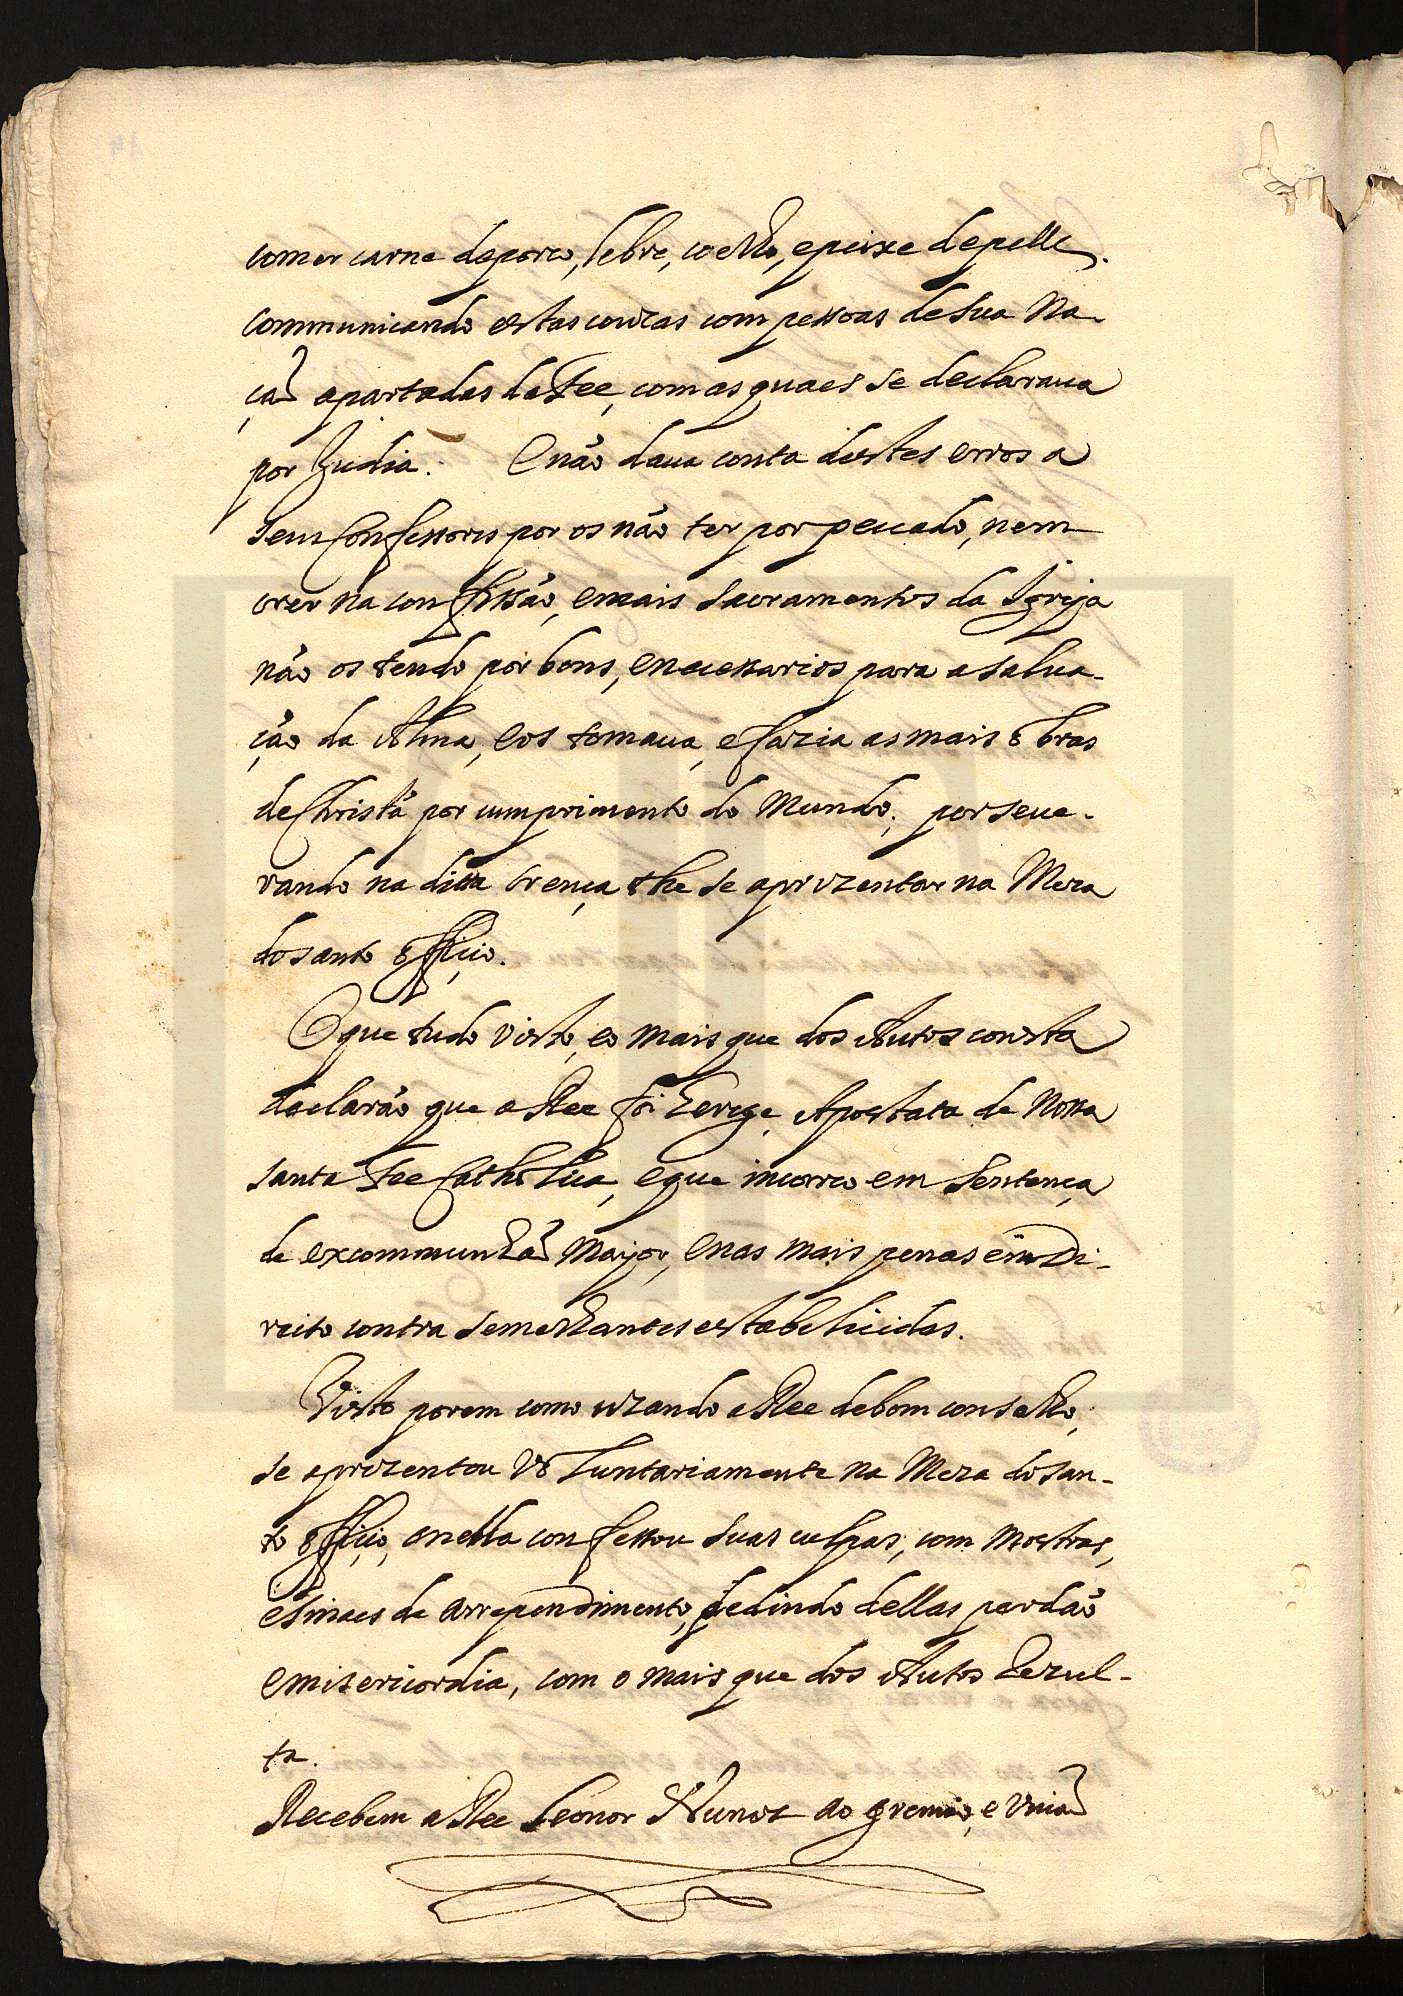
comer carne do porco, lebre, coelho, e peixe de pelle
communicando estas couzas com pessoas de sua Na
çaõ apartadas da Fee, com as quaes se declaraua
por Judia. E não daua conta destes erros a
seus Confessores por os não ter por peccado, nem
crer na confissaõ, e mais sacramentos da Igreja
não os tendo por bons, e necessarios para a salua
ção da Alma, e os tomaua, e fazia as mais obras
de Christã por cumprimento do Mundo; perseue
rando na ditta crença the se aprezentar na Meza
do santo officio.
O que tudo visto, e o mais que dos Autos consta
declaraõ que a Ree foi herege, Apostata de nossa
santa Fee Catholica, e que incorreo em Sentença
de excommunhaõ mayor, e nas mais penas em Di
reito contra semelhantes estabelicidas.
Visto porem como uzando a Ree de bom conselho,
se aprezentou voluntariamente na Meza do san
to officio, e nella confessou suas culpas, com mostras,
e sinaes de arrependimento, pedindo dellas perdaõ
e misericordia, com o mais que dos Autos Rezul
ta.
Recebem a Ree Leonor Nunez ao gremio, e uniaõ
